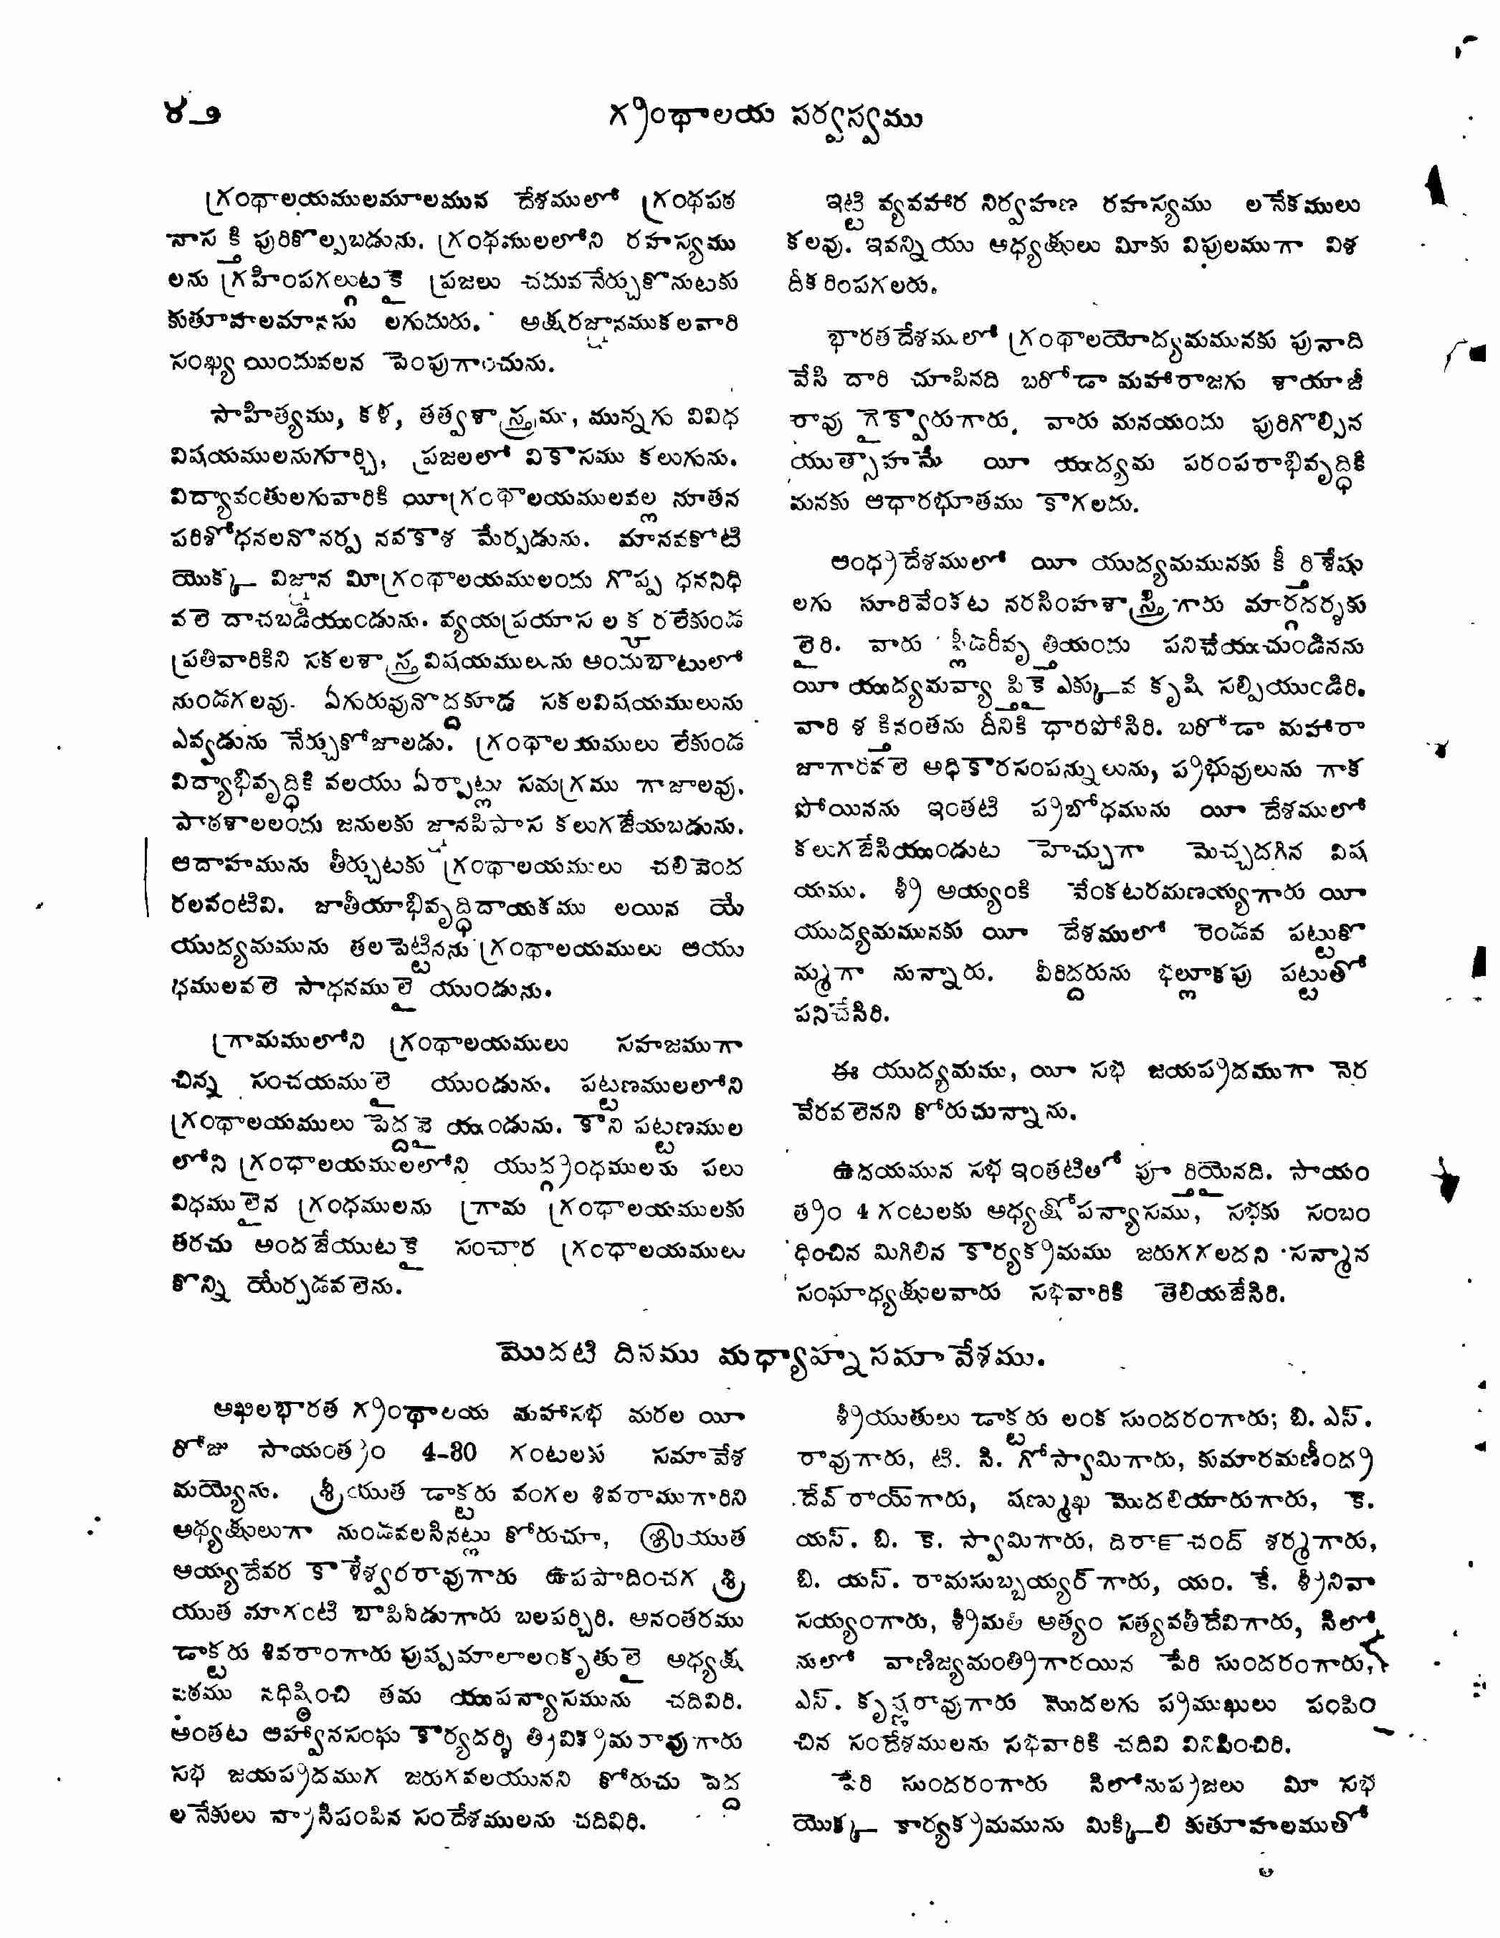గ్రంథాలయములమూలమున దేశములో గ్రంథపఠనాసక్తి పురికొల్పబడును. గ్రంధములలోని రహస్యములను గ్రహింపగల్గుటకై ప్రజలు చదువ నేర్చుకొనుటకు కుతూహలమానసు లగుదురు. అక్షరజ్ఞానముకలవారి సంఖ్య యిందువలన పెంపుగాంచును.

సాహిత్యము, కళ, తత్వశాస్త్రము, మున్నగు వివిధ విషయములనుగూర్చి, ప్రజలలో వికాసము కలుగును. విద్యావంతులగువారికి యీగ్రంథాలయములవల నూతన పరిశోధనలనొనర్ప నవకాశ మేర్పడును. మానవకోటి యొక్క విజ్ఞాన గ్రంథాలయములందు గొప్ప ధననిధి వలె దాచబడియుండును. వ్యయప్రయాసలక్కరలేకుండ ప్రతివారికిని సకలశాస్త్ర విషయములను అందుబాటులో నుండగలవు. ఏ గురువు నొద్దకూడ సకల విషయములును ఎవ్వడును నేర్చుకోజాలడు. గ్రంథాలయములు లేకుండ విద్యాభివృద్ధికి వలయు ఏర్పాట్లు సమగ్రము గాజాలవు. పాఠశాలలందు జనులకు జానపిపాస కలుగజేయబడును. ఆదాహమును తీర్చుటకు గ్రంథాలయములు 
చలివేందరల వంటివి. జాతీయాభివృద్ధిదాయకము అయిన యే యుద్యమమును తల పెట్టినను గ్రంథాలయములు ఆయుధములవలె సాధనములై యుండును.

గ్రామములోని గ్రంథాలయములు సహజముగా చిన్న సంచయములై యుండును. పట్టణములలోని గ్రంథాలయములు పెడ్డదై 
యండును. కాని పట్టణముల లోని గ్రంధాలయములలోని యుద్ధంధములను పలువిధములైన గ్రంధములను గ్రామ గ్రంథాలయములకు
తరచు అందజేయుటకే సంచార గ్రంథాలయములు కొన్ని యేర్పడవలెను.

ఇట్టి వ్యవహార నిర్వహణ రహస్యము లనేకములు కలవు. ఇవన్నియు అధ్యక్షులు మీకు విపులముగా విశదీకరింపగలరు.

భారత దేశములో గ్రంథాలయోద్యమమునకు పునాదివేసి దారి చూపినది బరోడా మహారాజగు శాయాజీరావు గైక్వారుగారు. వారు మన
యందు పురిగొల్చిన యుత్సాహమే యీ యుద్యమ పరంపరాభివృద్ధికి మనకు ఆధారభూతము కాగలదు.

అంధ్ర దేశములో యీ యుద్యమమునకు కీర్తిశేషులగు సూరి వేంకట నరసింహశాస్త్రి గారు మార్గదర్శకులైరి. వారు ప్లీడరీవృతి యందు పనిచేయఁచుండినను యుద్యమవ్యాప్తికి ఎక్కువ కృషి సల్పియుండిరి. వారి శక్తి నంతను దీనికి ధారపోసిరి. బరోడా మహారాజాగారివలె అధికారసంపన్నులును, ప్రభువులును గాక పోయినను ఇంతటి ప్రబోధమును యీ దేశములో కలుగజేసియుండుట హెచ్చుగా మెచ్చదగిన విషయము. శ్రీ అయ్యంకి వెంకటరమణయ్య గారు, యి యుద్యమమునకు యీ దేశములో రెండవ పట్టుకొమ్మగా నున్నారు. వీరిద్దరును భల్లూకపు పట్టుతో పనిచేసిరి.

ఈ యుద్యమము, యీ సభ జయప్రదముగా నెరవేరవలెనని కోరుచున్నాను.

ఉదయమున సభ ఇంతటితో పూరియైనది. సాయంత్య్రం 4 గంటలకు ఆధ్యక్షోపన్యాసము, సభకు సంబంధించిన మిగిలిన కార్యక్రమము జరుగగలదని సన్మాన సంఘాధ్యక్షులవారు సభవారికి తెలియజేసిరి.

అఖిలభారత గ్రంథాలయ మహాసభ మరల యీరోజు సాయంత్రం 4-80 గంటలకు సమా వేశమయ్యెను. శ్రీయుత డాక్టరు వంగల 
శివరాము గారిని అధ్యక్షులుగా నుండవలసినట్లు కోరుచూ, శ్రీయుత ఆయ్యదేవర కాళేశ్వరరావు గారు ఉపపాదించగ శ్రీయుత మాగంటి బాపినీడుగారు బలపర్చిరి. అనంతరము డాక్టరు శివరాంగారు పుష్పమాలాలంకృతులై అధ్యక్ష పిఠము నధిష్ఠించి తమ యుపన్యాసమును చదివిరి. అంతట ఆహ్వానసంఘ కార్యదర్శి త్రివిక్రమరావు గారు సభ జయప్రదముగ జరుగవలయునని కోరుచు పెద్దలనేకులు 
వ్రాసిపంపిన సందేశములను చదివిరి.

శ్రీయుతులు డాక్టరు లంక సుందరంగారు; బి. ఎస్.రావుగారు, టి. సి. గోస్వామిగారు, కుమారమణీంద్రదేవ్ రాయ్ గారు, షణ్ముఖ మొదలియారుగారు, కె.యస్. బి. కె. స్వామిగారు, దిరాన్ చంద్ శర్మగారు, బి. యస్. రామసుబ్బయ్యర్ గారు, యం. కే. 
శ్రీనివాసయ్యంగారు, శ్రీమతి అత్యం సత్యవతీదేవి గారు, సిలోనులో వాణిజ్యమంత్రి గారయిన పేరి సుందరం గారు, ఎస్. కృష్ణరావుగారు మొదలగు ప్రముఖులు పంపించిన సందేశములను సభవారికి చదివి వినిపించిరి.

పేరి సుందరంగారు సిలోసు ప్రజలు మీ సభ యొక్క కార్యక్రమమును మిక్కిలి కుతూహలముతో